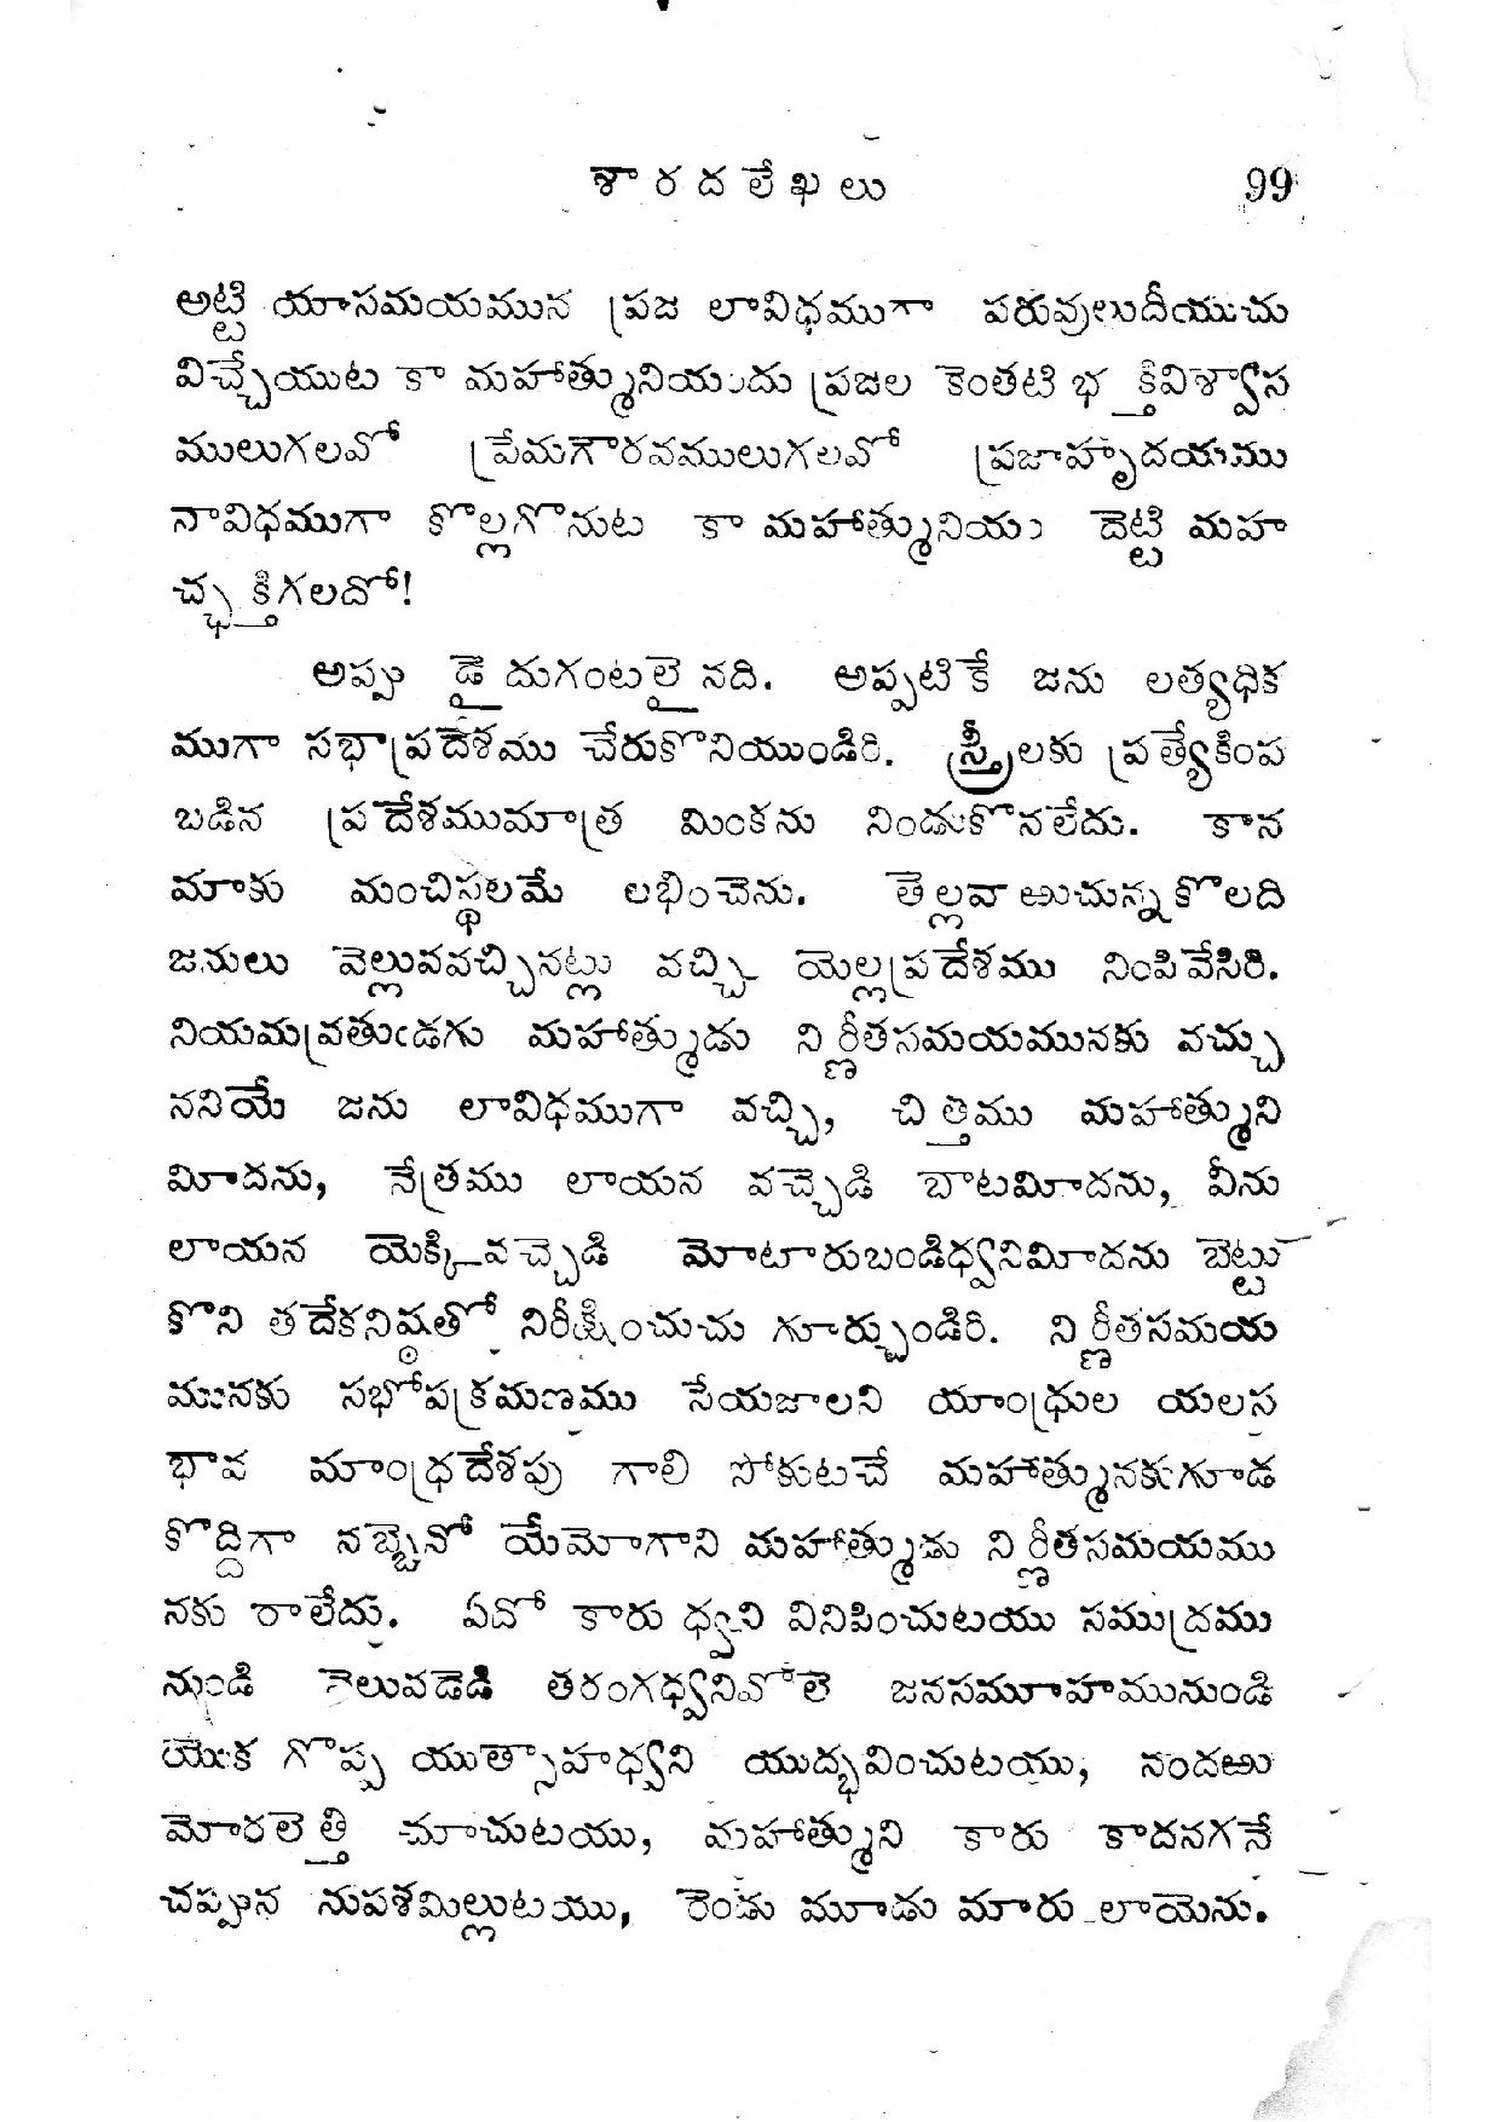అట్టి యాసమయమున ప్రజ లావిధముగా పరువులుదీయుచు
విచ్చేయుట కా మహాత్మునియందు ప్రజల కెంతటి భక్తివిశ్వాస
ములుగలవో ప్రేమగౌరవములు గలవో ప్రజాహృదయము
నావిధముగా కొల్లగొనుట కా మహాత్మునియు దెట్టి మహ
చ్ఛ క్తిగలదో!

అప్పు డైదుగంటలైనది. అప్పటికే జను లత్యధిక
ముగా సభాప్రదేశము చేరుకొనియుండిరి. స్త్రీలకు ప్రత్యేకింప
బడిన ప్రదేశము మాత్ర మింకను నిండుకొనలేదు. కాన
మాకు మంచిస్థలమే లభించెను. తెల్లవా ఱుచున్న కొలది
జనులు వెల్లువవచ్చినట్లు వచ్చి యెల్లప్రదేశము నింపివేసిరి.
నియమవ్రతుఁడగు మహాత్ముడు నిర్ణీత సమయముకు వచ్చు
ననియే జనులావిధముగా వచ్చి, చిత్తము మహాత్ముని 
మీదను, నేత్రము లాయన వచ్చెడి బాట మీదను, వీను
లాయన యెక్కి వచ్చెడి మోటారుబండిధ్వనిమీదను బెట్టు
కొని తదేకనిష్ఠతో నిరీక్షించుచు గూర్చుండిరి. నిర్ణీత సమయ
మునకు సభోపక్రమణము సేయజాలని యాంధ్రుల యలస
భావ మాంధ్రదేశపు గాలి సోకుటచే మహాత్మునకు గూడ
కొద్దిగా నబ్బెనో యేమోగాని మహాత్ముడు నిర్ణీత సమయము
నకు రాలేదు. ఏదో కారు ధ్వని వినిపించుటయు సముద్రము
నుండి వెలువడెడి తరంగధ్వనివోలె జనసమూహమునుండి
యొక గొప్ప యుత్సాహధ్వని యుద్భవించుటయు, నందఱు
మోరలెత్తి చూచుటయు, మహాత్ముని కారు కాదనగనే
చప్పున నుపశమిల్లుటయు, రెండు మూడు మారులాయెను.